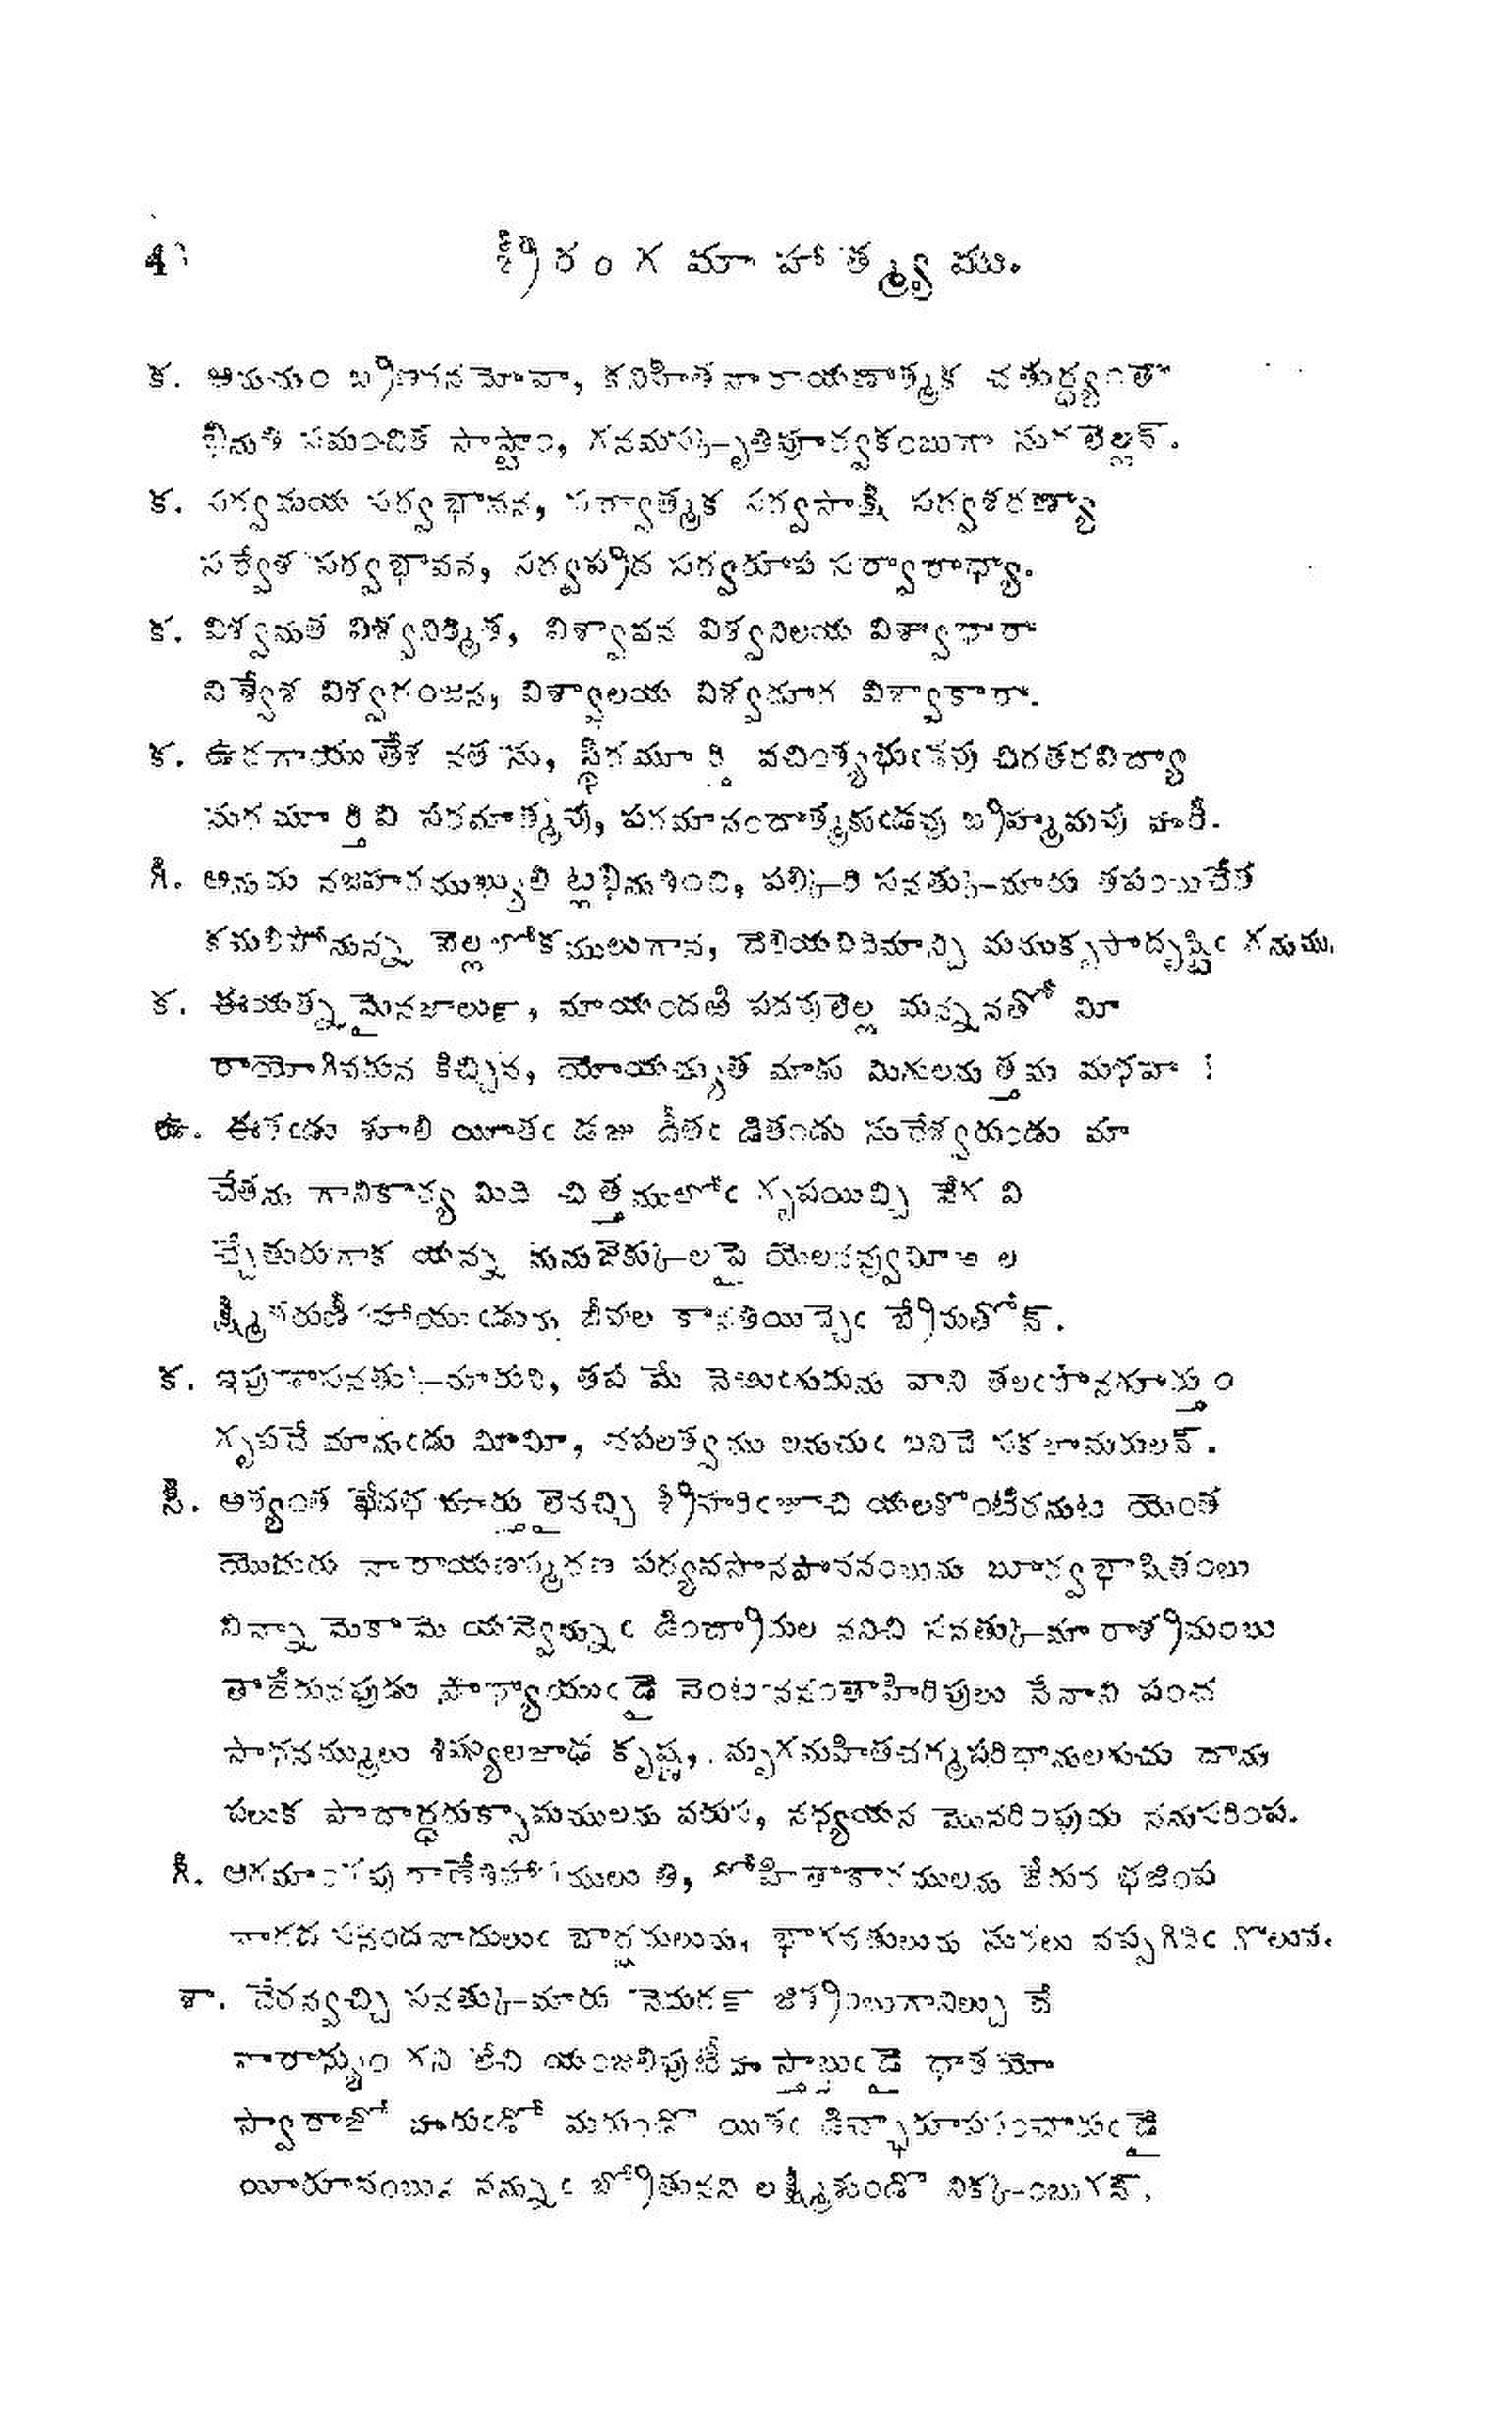క. అనుచుం ప్రణవ నమోవా, కనిహితనారాయణాత్మక చతుర్ధ్యంతా
 భినుతి సమంచిత సాష్టాం, గనమస్కృతిపూర్వకంబుగా సురలెల్లన్.
క. సర్వమయ సర్వభావన , సర్వాత్మక సర్వసాక్షి సర్వశరణ్యా
 సర్వేశ సర్వ భావన, సర్వప్రద సర్వరూప సర్వారాధ్యా.
క. విశ్వనుత విశ్వానిర్మిత, విశ్వావన విక్వనిలయ విశ్వాధారా
 విశ్వేశ విశ్వరంజన, విశ్వాలయ విశ్వదూర విశ్వాకారా.
క. ఉరగాయుతేశ నత సు, స్థిరమూర్తి వచింత్యభుఁడవు చిరతరవిద్యా
 సురమూర్తివి పరమాత్మవు, పరమానందాత్మకుఁడవు బ్రహ్మమవు హరీ.
గీ. అనుచు నజహరముఖ్యులి ట్లభినుతించి, పల్కిరి సనత్కుమారు తపంబుచేత
 కమలిపోనున్న వెల్లలోకములుగాన, దెలియనిది మాన్చి మము కృపాదృష్టిఁ గనుము.
క. ఈయత్నమైనజాలున్, మాయందఱి పదవులెల్ల మన్ననతో మీ
 రాయోగివరున కిచ్చిన, యోయచ్యుత మాకు మిగులనుత్తమ మభవా!
ఉ. ఈతఁడు శూలి యీతఁ డజుఁ డీతఁ డితండు సురేశ్వరుండు మా
 చేతను గానికార్య మిది చిత్తములోఁ గృపయిచ్చి వేగ వి
 చ్చేతురు గాక యన్న నునుజైక్కులపై యెలనవ్వు మీఱ ల
 క్ష్మీతరుణీసహాయుఁడును జీవుల కానతి యిచ్చెఁ బ్రేమతోన్.
క. ఇపుడాసనత్కుమారుని, తప మే నెఱుఁగుదును వాని తలపొనగూర్తుం
 గృపచే మానుఁడు మీమీ, చపలత్వము లనుచుఁ బనిచె సకలామరులన్.
సీ. అత్యంతఖేదభయార్తులై వచ్చి శ్రీహరిఁ జూచి యలకొంటిరనుట యెంత
 యొదురు నారాయణస్మరణ పర్యవసానపావనంబును బూర్వభాషితంబు
 విన్నామెకామె యవ్వెన్నుఁ డింద్రాదుల ననిచి సనత్కుమారాశ్రముంబు
 తాజేరునపు డుపాధ్యాయుఁడై వెంట ననంతాహిరిపులు సేనాని పంచ
 సాధనమ్ములు శిష్యుల జాఢ కృష్ణ, మృగమహితచర్మపరిధానులగుచు దాను
 పలుక పాదార్థరుక్సామములను వరుస, నధ్యయన మొనరింపుచు ననుసరింప.
గీ. ఆగమాంతపురాణేతిహాసములు తి, రోహితాకారములను జేరుర భజింప
 నారదసనందనాదులు, బార్షదులును, భాగవతులును సురలు నప్పగిదిఁ గొలువ.
శా. చేరన్వచ్చి సనత్కుమారు నెదురన్ జిత్రంబుగా నిల్చు దే
 వారాధ్యుం గని లేచి యంజలిపుటీహస్తాబ్జుఁడై ధాతయో
 స్వారాజో హరుఁడో మరుండొ యితఁ డిచ్ఛారూపసంచారుఁడై
 యీరూపంబున నన్నుఁ బ్రోతునని లక్ష్మీశుండొ నిక్కంబుగన్.